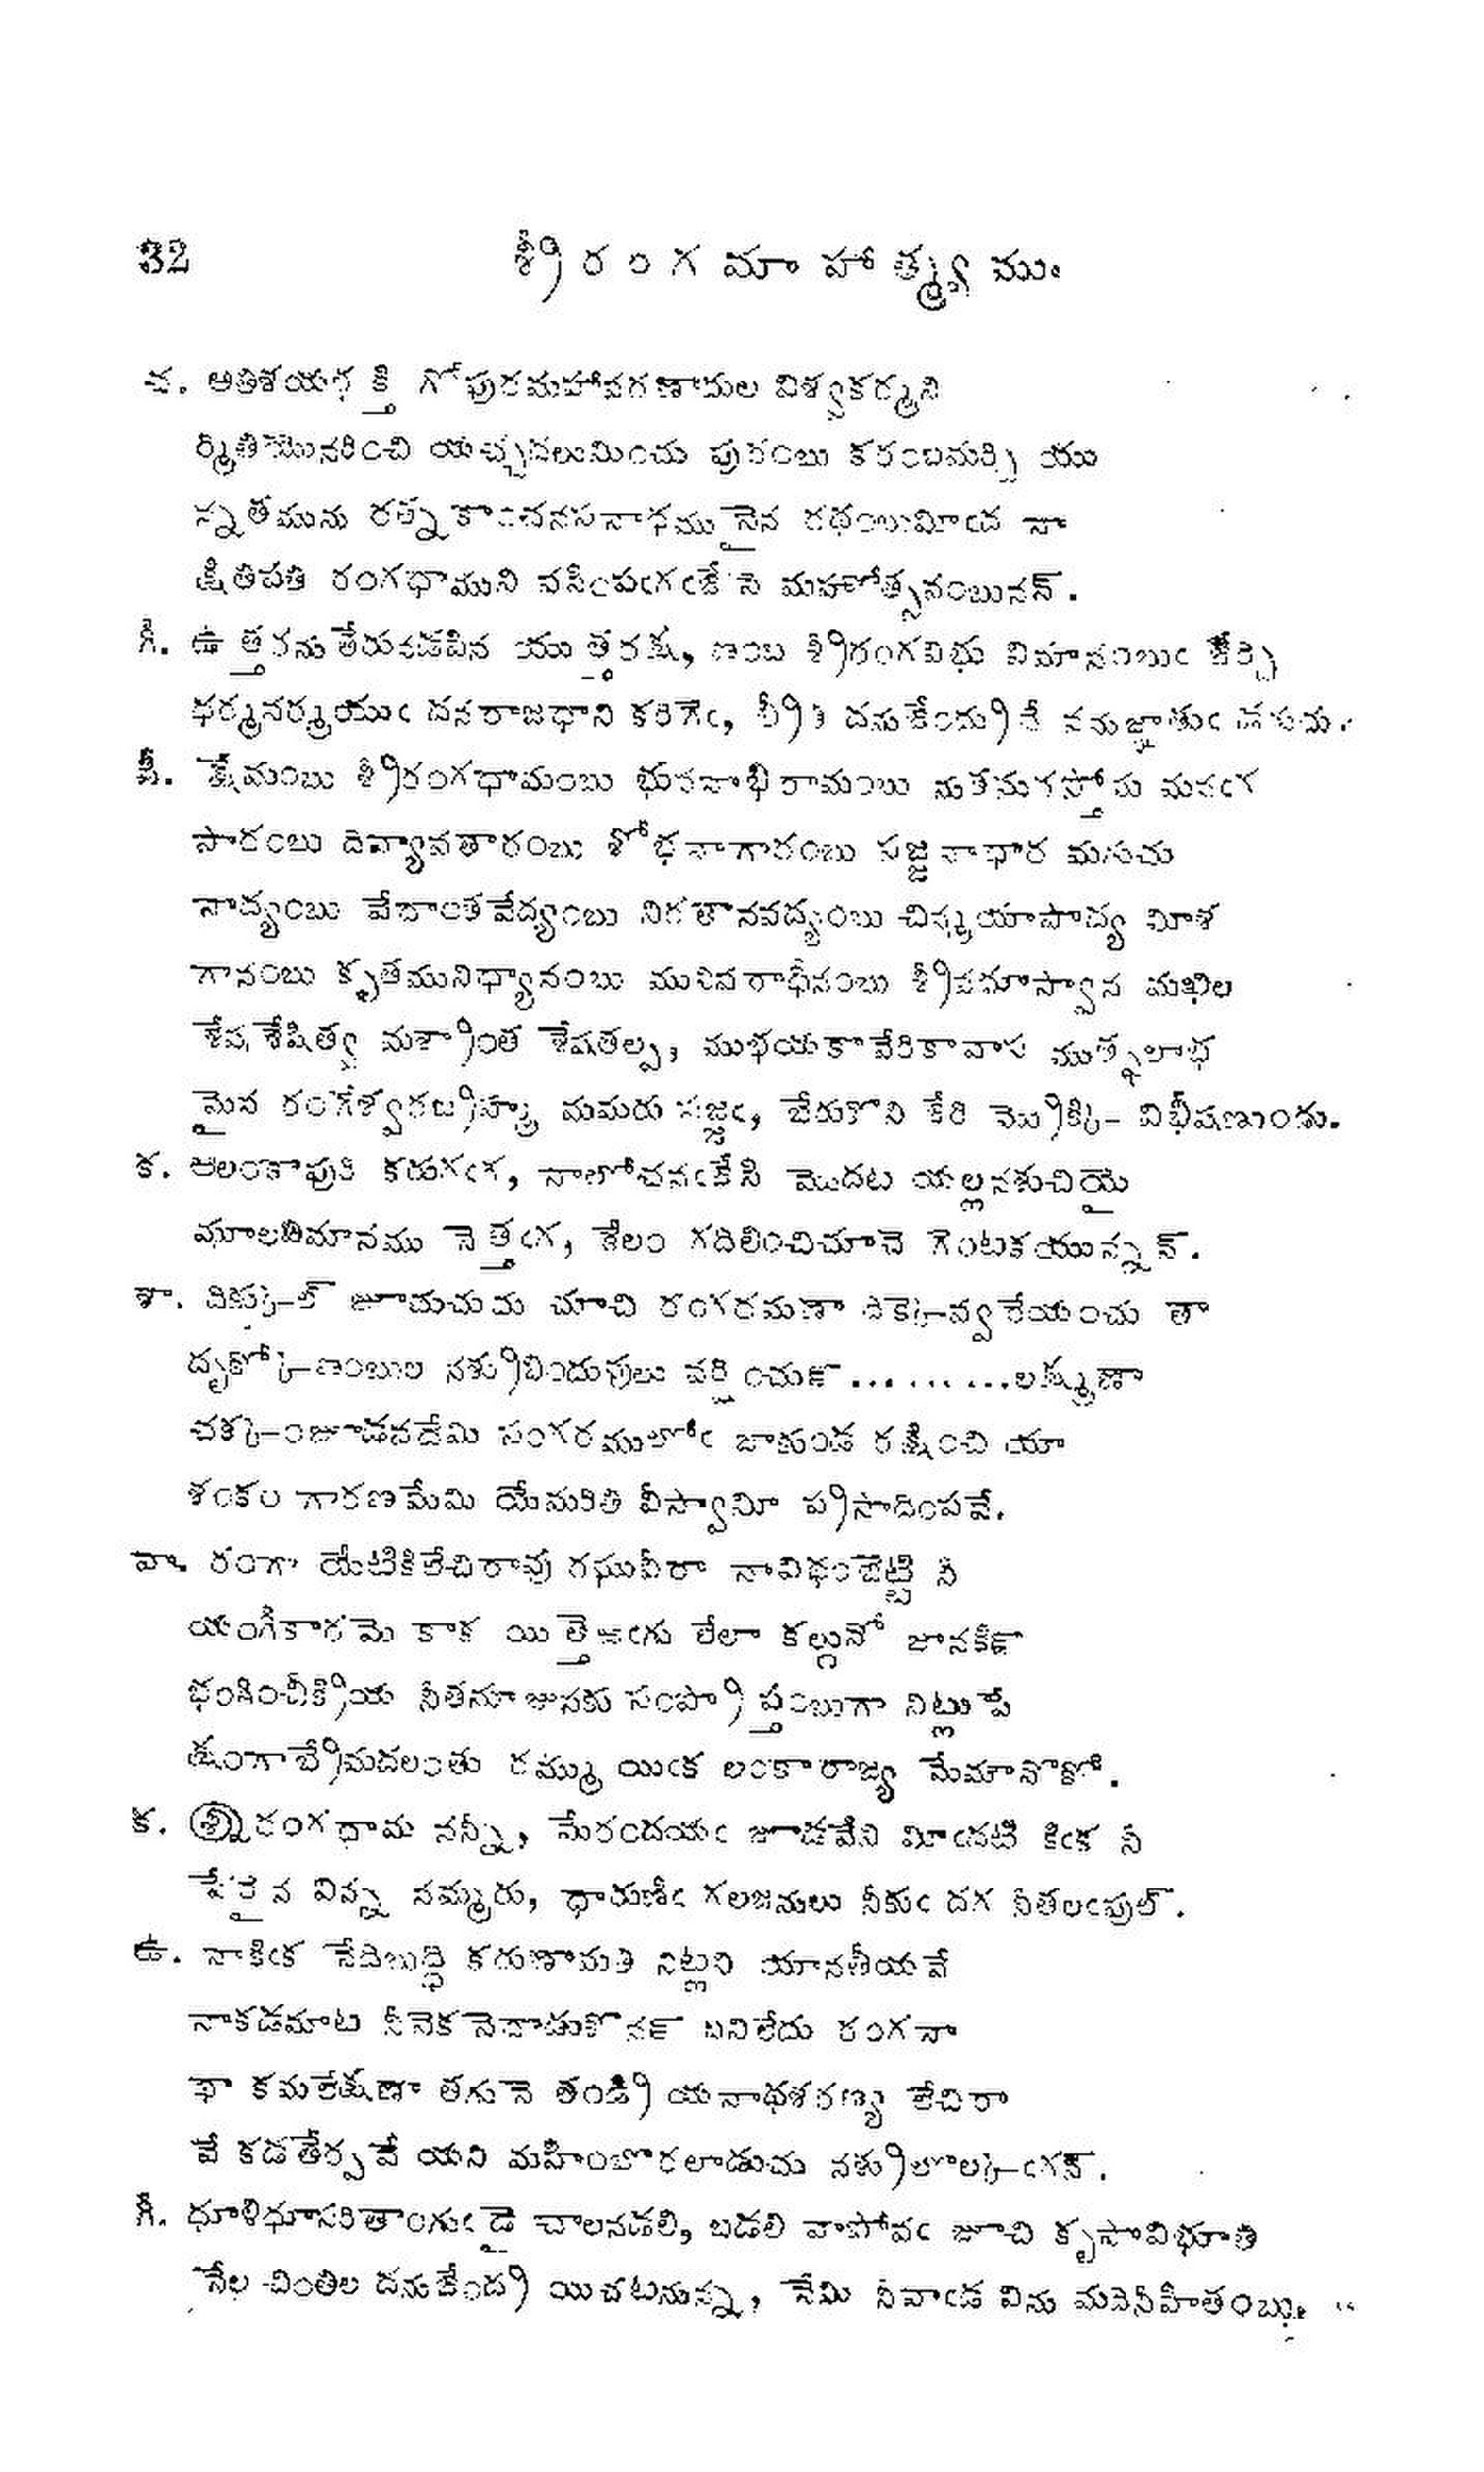చ. అతిశయభక్తి గోపురమహావరణాదుల విశ్వకర్మ ని
 ర్మితి యొనరించి యచ్చదలు మించు పురంబు కరంబమర్చి యు
 న్నతమును రత్నకాంచనసనాధమునైన రథంబుమీఁద నా
 క్షితిపతి రంగధాముని వసింపఁగఁజేసె మహోత్సవంబునన్.
గీ. ఉత్తరను తేరునడపిన యుత్తరక్ష, ణంబ శ్రీరంగవిభు విమానంబుఁ జేర్చి
 ధర్మనర్మయుఁ దనరాజధాని కరిగెఁ, బ్రీతి దనుజేంద్రుచే ననుజ్ఞాతుఁ డగుచు.
సీ. క్షేమంబు శ్రీరంగధామంబు భువనాభిరామంబు నుతసురస్తోమ మనఁగ
 సారంబు దివ్యావతారంబు శోభనాగారంబు సజ్జనాధార మగుచు
 నాద్యంబు వేదాంతవేద్యంబు నిరతానవద్యంబు చిన్మయాపాద్య మీశ
 గానంబు కృతమునిధ్యానంబు మునివరాధీనంబు శ్రీవధూస్వాన మఖిల
 శేషశేషిత్వ మశ్రాంతశేషతల్ప , ముభయకావేరికావాస ముత్ఫలాభ
 మైన రంగేశ్వరబ్రహ మమురు సజ్జఁ, బేరుకొని జేరి మ్రొక్కి విభీషణుండు.
క. ఆలంకాపురి కరుగఁగ, నాలోచనఁ జేసి మొదట యల్లనశుచియై
 మూలవిమానము నెత్తఁగ, కేలం గదిలించి చూచె గెంటకయున్నన్ 
శా. దిక్కుల్ జూచుచు చూచి రంగరమణా దిక్కెవ్వరేయంచు తా
 దృక్కోణంబుల నశ్రుబిందువులు వర్షించున్ ...........లక్ష్మణా
 చక్కంజుడనదేమి సంగరములోఁ జాకుండ రక్షించి యా
 శంకం గారణమేమి యేమరితి వీస్వామీ ప్రసాదింపవే.
శా. రంగా యేటికి లేచిరావు రఘువీరా నావిధంబెట్టి నీ
 యంగీకారమె కాక యిత్తెఱఁగు లేలా కల్గునో జానకిన్
 భంగించీక్రియ నీతనూజునకు సంప్రాప్తంబుగా నిట్లుపే
 క్షంగా బ్రేమదలంతు రమ్ము యిఁక లంకారాజ్య మేమౌనొకో.
క. శ్రీరంగధామ నన్నీ, మేరందయఁ జూడవేని మీఁదటి కిఁక నీ
 పేరైన విన్న నమ్మరు, ధారుణిఁ గలజనులు నీకుఁ దగ నీతలఁపుల్.
ఉ. నాకిక నేదిబుద్ధి కరుణామతి నిట్లని యానతీయవే
 నాకడమాట నీనెకనెదాడుకొనన్ బనిలేదు రంగనా
 థా కమలేక్షణా తగునె తండ్రి యనాథశరణ్య లేచిరా
 వే కడతేర్పవే యని మహింబొరలాడుచు నశ్రు లొల్కఁగన్.
గీ. ధూళిధూసరితాంగుఁడై చాలనడలి, బడలి వాపోవఁ జూచి కృపావిభూతి
 నేల చింతల దనుజేంద్ర యిచటనున్న, నేమి నీవాఁడ విను మది నీహితంబు.